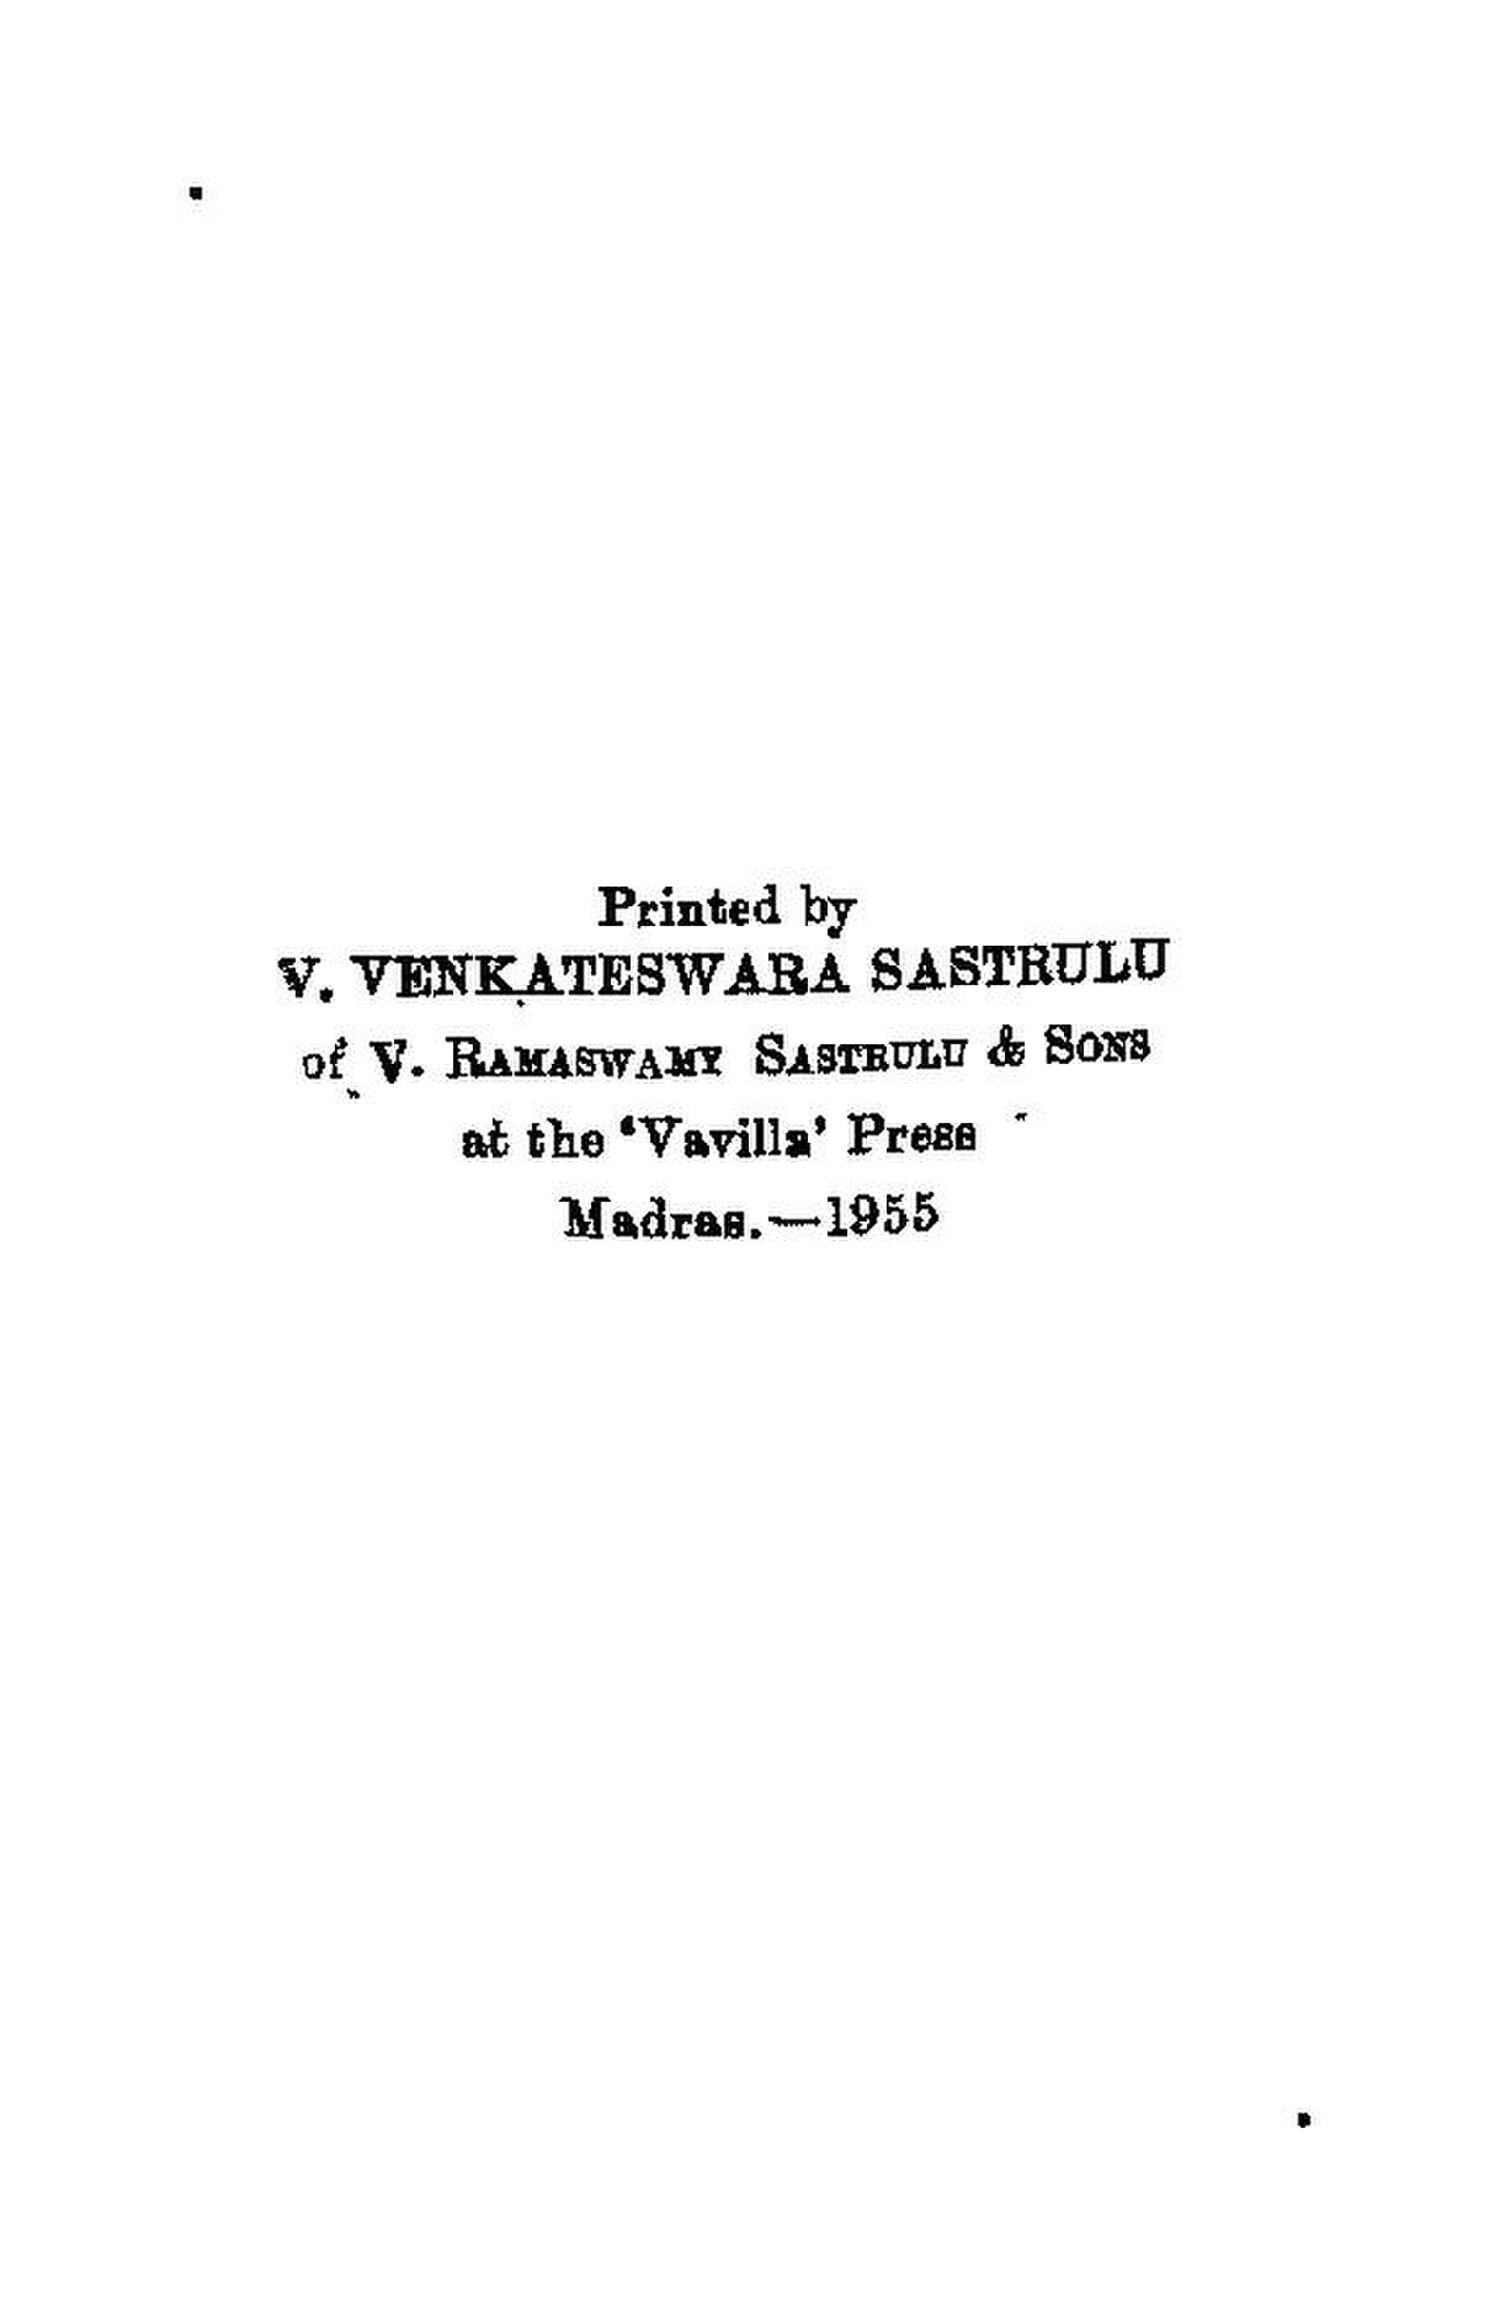Printed by
V. VENKATESWARA SASTRULU
of V. Ramaswamy Sastrulu & Sons
at the 'Vavilla' Press
Madras. - 1955